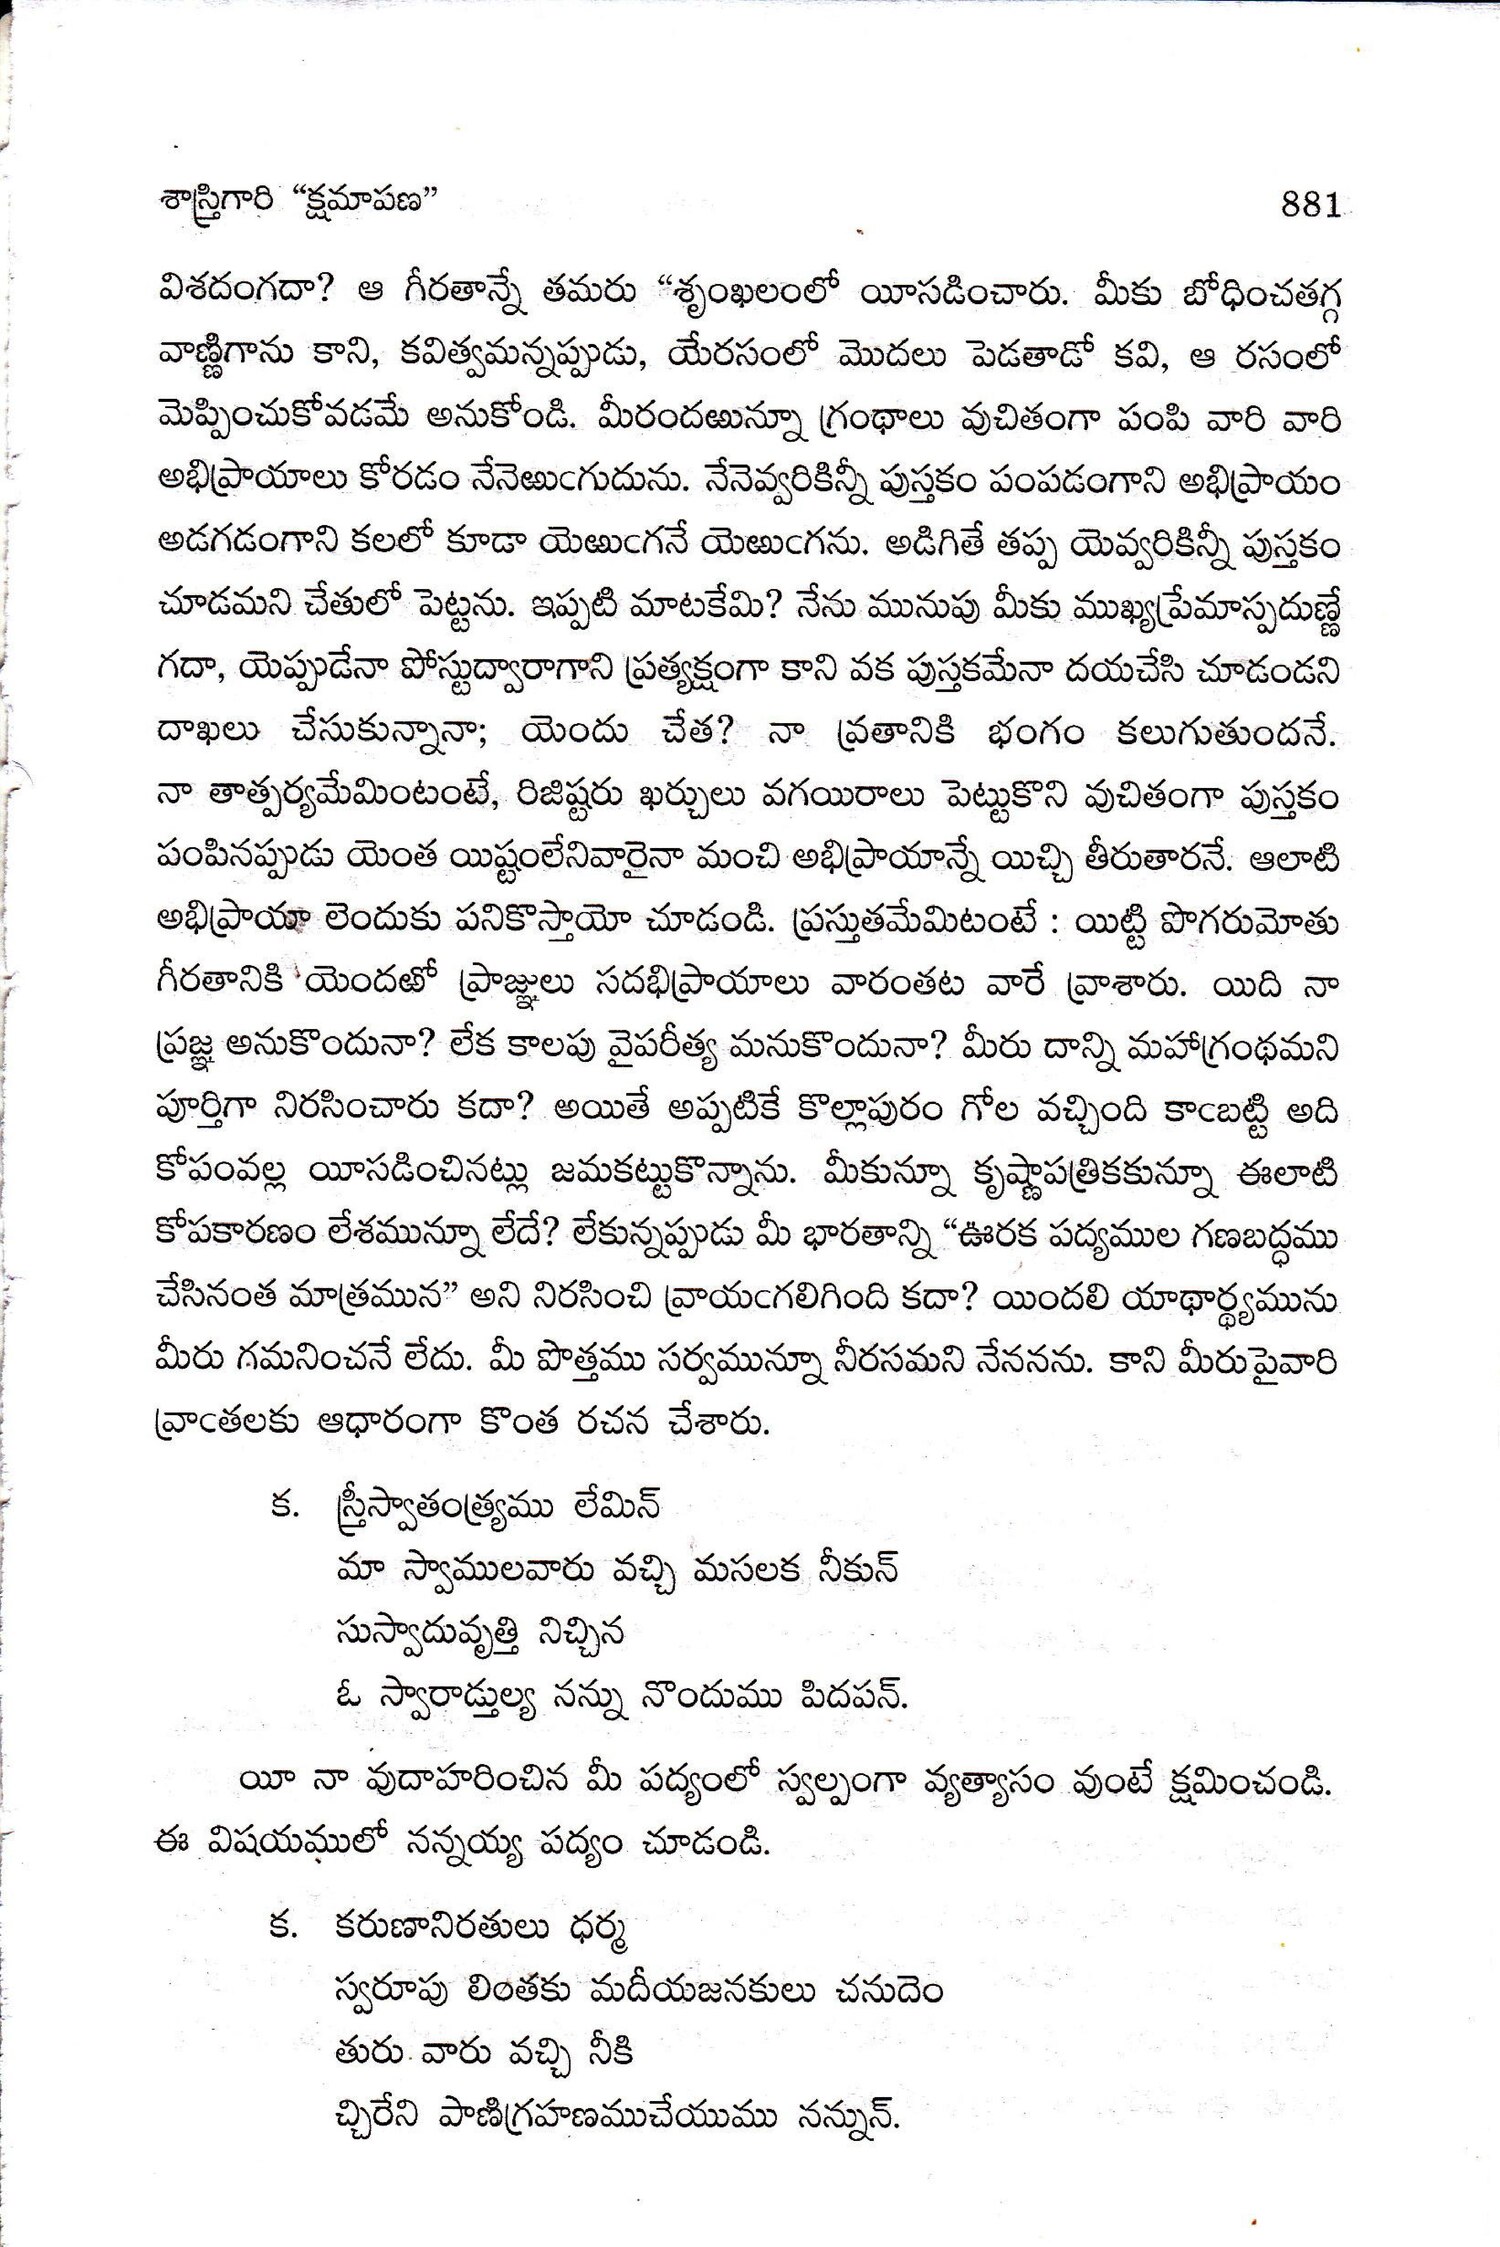విశదంగదా? ఆ గీరతాన్నే తమరు “శృంఖలంలో యీసడించారు. మీకు బోధించతగ్గ వాణ్ణిగాను కాని, కవిత్వమన్నప్పుడు, యేరసంలో మొదలు పెడతాడో కవి, ఆ రసంలో మెప్పించుకోవడమే అనుకోండి. మీరందఱున్నూ గ్రంథాలు వుచితంగా పంపి వారి వారి అభిప్రాయాలు కోరడం నేనెఱుఁగుదును. నేనెవ్వరికిన్నీ పుస్తకం పంపడంగాని అభిప్రాయం అడగడంగాని కలలో కూడా యెఱుఁగనే యెఱుఁగను. అడిగితే తప్ప యెవ్వరికిన్నీ పుస్తకం చూడమని చేతులో పెట్టను. ఇప్పటి మాటకేమి? నేను మునుపు మీకు ముఖ్యప్రేమాస్పదుణ్ణే గదా, యెప్పుడేనా పోస్టుద్వారాగాని ప్రత్యక్షంగా కాని వక పుస్తకమేనా దయచేసి చూడండని దాఖలు చేసుకున్నానా; యెందు చేత? నా వ్రతానికి భంగం కలుగుతుందనే. నా తాత్పర్యమేమింటంటే, రిజిష్టరు ఖర్చులు వగయిరాలు పెట్టుకొని వుచితంగా పుస్తకం పంపినప్పుడు యెంత యిష్టంలేనివారైనా మంచి అభిప్రాయాన్నే యిచ్చి తీరుతారనే. ఆలాటి అభిప్రాయా లెందుకు పనికొస్తాయో చూడండి. ప్రస్తుతమేమిటంటే : యిట్టి పొగరుమోతు గీరతానికి యెందఱో ప్రాజ్ఞులు సదభిప్రాయాలు వారంతట వారే వ్రాశారు. యిది నా ప్రజ్ఞ అనుకొందునా? లేక కాలపు వైపరీత్య మనుకొందునా? మీరు దాన్ని మహాగ్రంథమని పూర్తిగా నిరసించారు కదా? అయితే అప్పటికే కొల్లాపురం గోల వచ్చింది కాఁబట్టి అది కోపంవల్ల యీసడించినట్లు జమకట్టుకొన్నాను. మీకున్నూ కృష్ణాపత్రికకున్నూ ఈలాటి కోపకారణం లేశమున్నూ లేదే? లేకున్నప్పుడు మీ భారతాన్ని "ఊరక పద్యముల గణబద్ధము చేసినంత మాత్రమున” అని నిరసించి వ్రాయఁగలిగింది కదా? యిందలి యాథార్థ్యమును మీరు గమనించనే లేదు. మీ పొత్తము సర్వమున్నూ నీరసమని నేననను. కాని మీరుపైవారి వ్రాఁతలకు ఆధారంగా కొంత రచన చేశారు.

క. స్త్రీస్వాతంత్ర్యము లేమిన్
 మా స్వాములవారు వచ్చి మసలక నీకున్ 
 సుస్వాదువృత్తి నిచ్చిన 
 ఓ స్వారాడ్తుల్య నన్ను నొందుము పిదపన్
యీ నా వుదాహరించిన మీ పద్యంలో స్వల్పంగా వ్యత్యాసం వుంటే క్షమించండి. ఈ విషయములో నన్నయ్య పద్యం చూడండి.

క. కరుణానిరతులు ధర్మ
 స్వరూపు లింతకు మదీయజనకులు చనుదెం 
 తురు. వారు వచ్చి నీకి 
 చ్చిరేని పాణిగ్రహణముచేయుము నన్నున్.